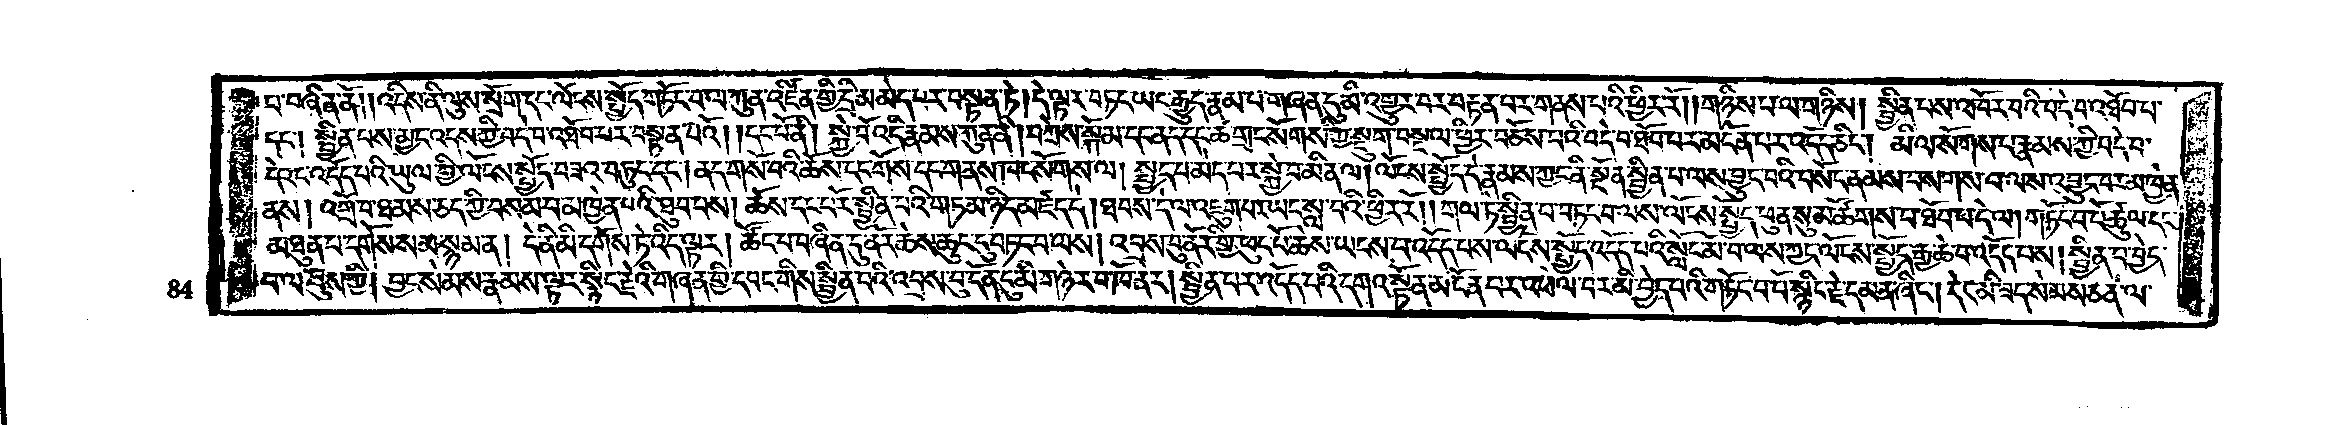པ་བཞིན་ནོ། །འདིས་ནི་ལུས་སྲོག་དང་ལོངས་སྤྱོད་གཏོང་བ་ལ་ཀུན་འཛིན་གྱི་དྲི་མ་མེད་པར་བསྟན་ཏེ། དེ་ལྟར་བཏང་ཡང་རྒྱུད་རྣམ་པ་གཞན་དུ་མི་འགྱུར་བར་བརྟན་པར་གནས་པའི་ཕྱིར་རོ། །གཉིས་པ་ལ་གཉིས། སྦྱིན་པས་འཁོར་བའི་བདེ་བ་འཐོབ་པ་
དང་། སྦྱིན་པས་མྱང་འདས་ཀྱི་བདེ་བ་འཐོབ་པར་བསྟན་པའོ། །དང་པོ་ནི། སྐྱེ་བོ་འདི་རྣམས་ཀུན་ནི། བཀྲེས་སྐོམ་དང་ནད་དང་ཚ་གྲང་སོགས་ཀྱི་སྡུག་བསྔལ་ཕྱིར་བཅོས་པའི་བདེ་བ་ཐོབ་པར་མངོན་པར་འདོད་ཅིང་། མི་ལ་སོགས་པ་རྣམས་ཀྱི་བདེ་བ་
དེའང་འདོད་པའི་ཡུལ་གྱི་ལོངས་སྤྱོད་བཟའ་བཏུང་དང་། ནད་གསོ་བའི་ཆས་དང་གོས་དང་གནས་ཁང་སོགས་ལ། སྤྱད་པ་མེད་པར་སྐྱེ་བ་མིན་ལ། ལོངས་སྤྱོད་དེ་རྣམས་ཀྱང་ནི་སྔོན་སྦྱིན་པ་ལས་བྱུང་བའི་བསོད་ནམས་བསགས་པ་ལས་འབྱུང་བར་མཁྱེན་
ནས། འགྲོ་བ་ཐམས་ཅད་ཀྱི་བསམ་པ་མཁྱེན་པའི་ཐུབ་པས། ཆེས་དང་པོར་སྦྱིན་པའི་གཏམ་ཉིད་མཛད་དེ། ཐབས་དེ་ལ་འཇུག་པར་ཡང་སླ་བའི་ཕྱིར་རོ། །གལ་ཏེ་སྦྱིན་པ་བཏང་བ་ལས་ལོངས་སྤྱོད་ཕུན་སུམ་ཚོགས་པ་ཐོབ་པ་དེ་ལ། གཏོང་བ་པོ་ཚུལ་དང་
མཐུན་པ་དགོས་སམ་སྙམ་ན། དེ་ནི་མི་དགོས་ཏེ་འདི་ལྟར། ཚོང་པ་བཞིན་དུ་ནོར་ཆེས་ཆུང་ངུ་བཏང་བ་ལས། འབྲས་བུ་ནོར་གྱི་ཕུང་པོ་ཆེས་ཡངས་བ་འདོད་པས་ལོངས་སྤྱོད་འདོད་པའི་སློང་མོ་བ་ལས་ཀྱང་ལོངས་སྤྱོད་རྒྱ་ཆེ་བ་འདོད་པས་སྦྱིན་པ་བྱེད་
པ་ལ་གུས་ཀྱི། བྱང་སེམས་རྣམས་ལྟར་སྙིང་རྗེའི་གཞན་གྱི་དབང་གིས་སྦྱིན་པའི་འབྲས་བུ་དོན་དུ་མི་གཉེར་བ་ཁོ་ནར། སྦྱིན་པར་འདོད་པའི་དགའ་སྟོན་མངོན་པར་འཕེལ་བར་མི་བྱེད་པའི་གཏོང་བ་པོ་སྙིང་རྗེ་དམན་ཞིང་། དེར་མ་ཟད་སེམས་ཅན་ལ་